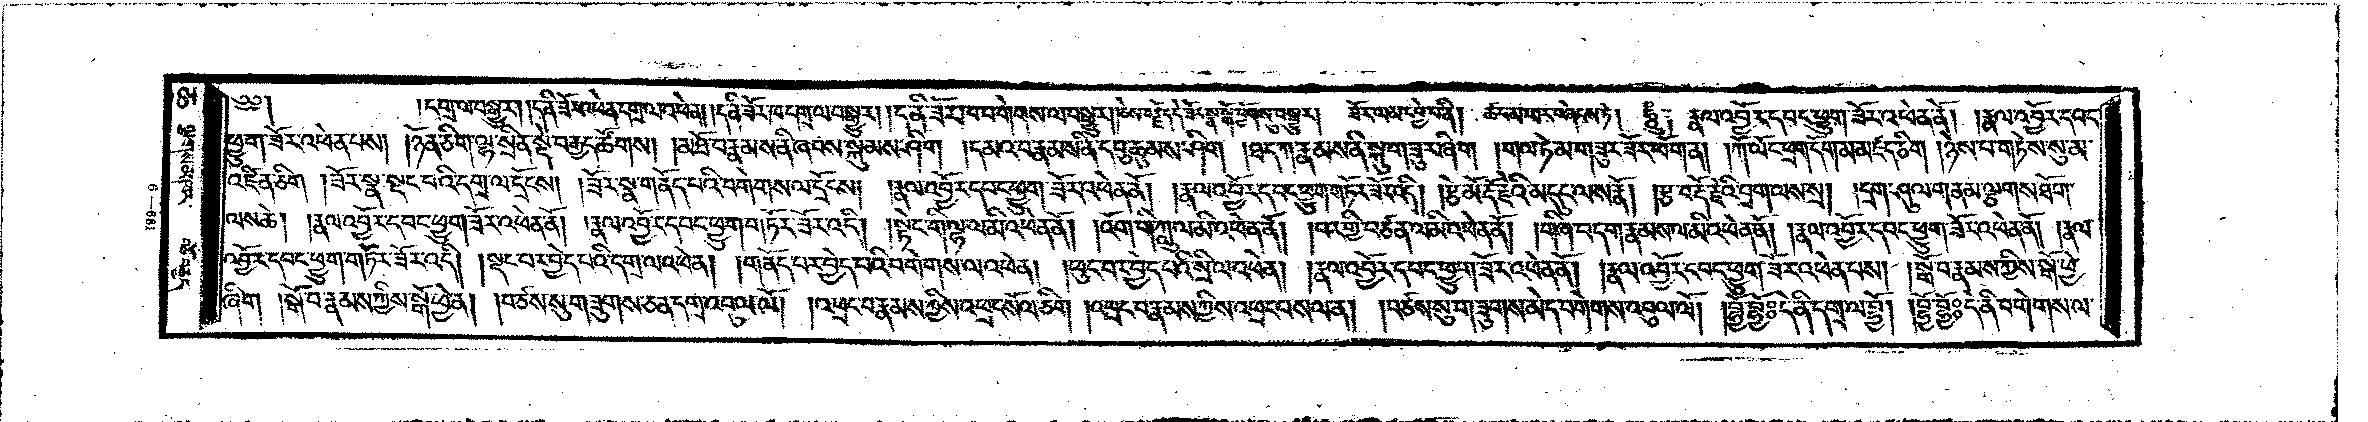༄༅། །དགྲ་ལ་བསྒྱུར། །ད་ནི་ཟོར་འཕེན་དགྲ་ལ་འཕེན། །ད་ནི་ཟོར་ཁ་དགྲ་ལ་བསྒྱུར། །ད་ནི་ཟོར་ཁ་བགེགས་ལ་བསྒྱུར། ། ཅེས་བརྗོད་དེ་ཟོར་སྣ་སྒོ་ཕྱོགས་སུ་བསྒྱུར། ཟོར་ལམ་དབྱེ་བ་ནི། ཚང་མ་ཡར་བཞེངས་ཏེ། ་ཧཱུཾ༑ རྣལ་འབྱོར་དབང་ཕྱུག་ཟོར་འཕེན་ནོ། །རྣལ་འབྱོར་དབང་
ཕྱུག་ཟོར་འཕེན་པས། །ཉོན་ཅིག་ལྷ་སྲིན་སྡེ་བརྒྱད་ཚོགས། །མཐོ་བ་རྣམས་ནི་ཞབས་སྐུམས་ཤིག །དམའ་བ་རྣམས་ནི་དབུ་ཆུམས་ཤིག །ཐད་ཀ་རྣམས་ནི་སྐུ་གཟུར་ཞིག །གལ་ཏེ་མ་གཟུར་ཟོར་ཕོག་ན། །ཀོ་ཡོང་ཕྲག་དོག་མ་མཛད་ཅིག །ཉེས་པ་གཏེས་སུ་མ་
འཛིན་ཅིག །ཟོར་སྣ་སྡང་པའི་དགྲ་ལ་དྲོངས། །ཟོར་སྣ་གནོད་པའི་བགེགས་ལ་དྲོངས། །རྣལ་འབྱོར་དབང་ཕྱུག་ཟོར་འཕེན་ནོ། །རྣལ་འབྱོར་དབང་ཕྱུག་གཏོར་ཟོར་འདི། །རྩེ་མོ་རྡོ་རྗེའི་མདུང་ལས་རྣོ། །རྩ་བ་རྡོ་རྗེའི་བྲག་ལས་སྲ། །དྲག་ཤུལ་གནམ་ལྕགས་ཐོག་
ལས་ཆེ། །རྣལ་འབྱོར་དབང་ཕྱུག་ཟོར་འཕེན་ནོ། །རྣལ་འབྱོར་དབང་ཕྱུག་གཏོར་ཟོར་འདི། །སྟེང་གི་ལྷ་ལ་མི་འཕེན་ནོ། །འོག་གི་ཀླུ་ལ་མི་འཕེན་ནོ། །བར་གྱི་བཙན་ལ་མི་འཕེན་ནོ། །གཞི་བདག་རྣམས་ལ་མི་འཕེན་ནོ། །རྣལ་འབྱོར་དབང་ཕྱུག་ཟོར་འཕེན་ནོ། །རྣལ་
འབྱོར་དབང་ཕྱུག་གཏོར་ཟོར་འདི། །སྡང་བར་བྱེད་པའི་དགྲ་ལ་འཕེན། །གནོད་པར་བྱེད་པའི་བགེགས་ལ་འཕེན། །ཕུང་བར་བྱེད་པའི་སྲི་ལ་འཕེན། །རྣལ་འབྱོར་དབང་ཕྱུག་ཟོར་འཕེན་ནོ། །རྣལ་འབྱོར་དབང་ཕྱུག་ཟོར་འཕེན་པས། །སྒོ་བ་རྣམས་ཀྱིས་སྒོ་ཕྱེ་ཞིག །སྒོ་བ་རྣམས་ཀྱིས་སྒོ་ཕྱེ་ན། །བཙས་སུ་གཟུགས་ཅན་དགྲ་འབུལ་ལོ། །འཕྲང་བ་རྣམས་ཀྱིས་འཕྲང་གསོལ་ཅིག །འཕྲང་བ་རྣམས་ཀྱིས་འཕྲང་བསལ་ན། །བཙས་སུ་གཟུགས་མེད་བགེགས་འབུལ་ལོ། །བྷྱོ་བྷྱོཿ དེ་ནི་དགྲ་ལ་བྷྱོ། །བྷྱོ་བྷྱོཿ དེ་ནི་བགེགས་ལ་